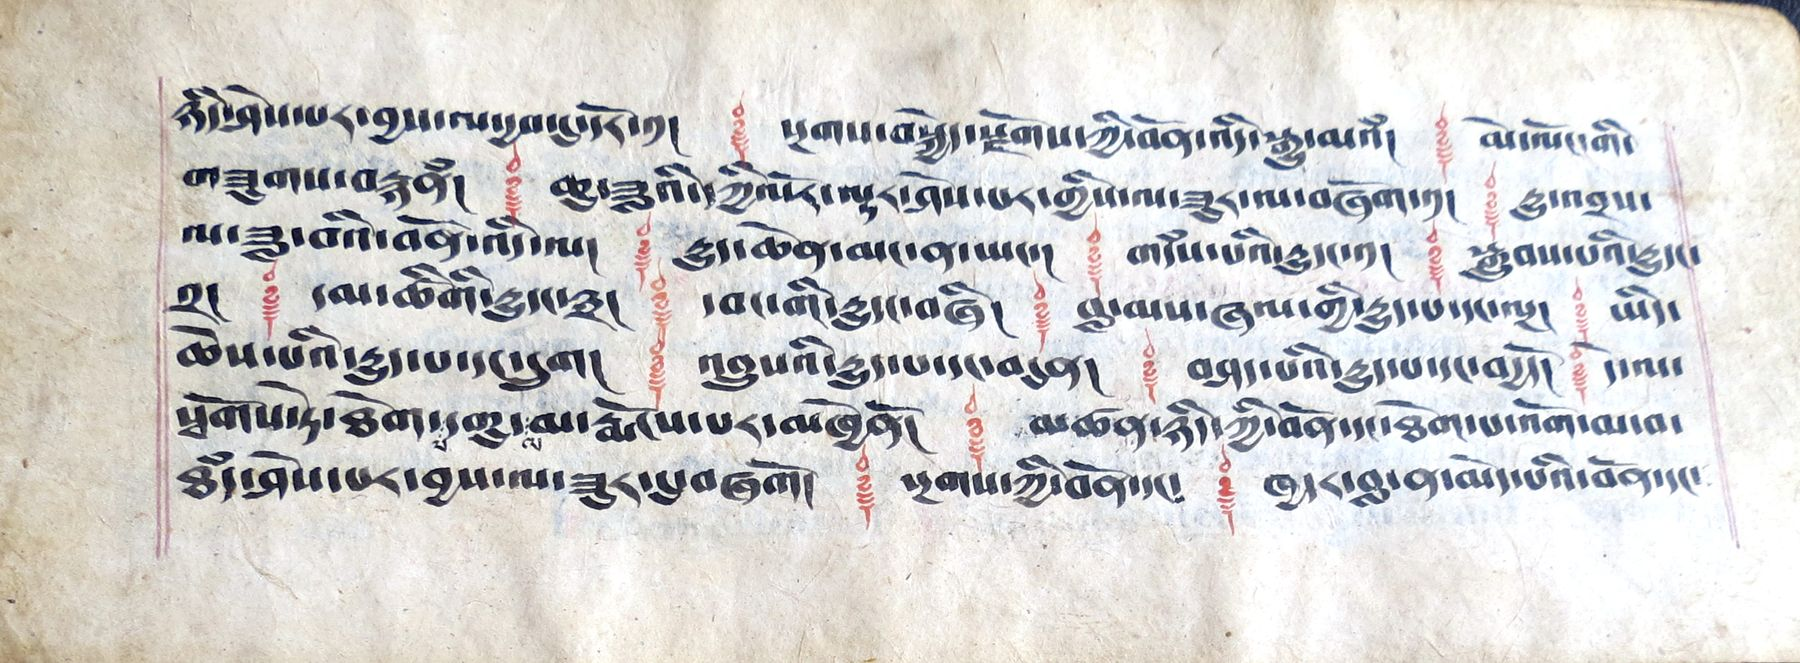ཉིད་ཤེས་པར་བྱས་ནས་དོར་ཞིག། སྔགས་བསྐྱེད་རྫོགས་ཀྱི་བོན་འདི་སྒྱུ་མའམ། མེ་ལོང་གི་
གཟུགས་བརྙན། ནམ་ཆུ་ཟླའི་དཀྱིལ་འཁོར་ལྟར་ཤེས་པར་གྱིས་ལ་ཟུར་དུ་ཞོག་ཅིག རྒྱུ་འབྲས་
ལ་བཟླ་བའི་བོན་ལ། རྒྱུད་ཆེན་མང་ན་ཡང་། གདམས་པའི་རྒྱུད་དང་གཅིག། གྲུབ་པའི་རྒྱུད་དང་
གཉིས། དམ་ཚིག་གི་རྒྱུད་དང་གསུམ། དབང་གི་རྒྱུད་དང་བཞི། བླ་མའི་ཞལ་གྱི་བརྒྱུད་པ་དང་ལྔ། ཡིད་
ཆེས་པའི་བརྒྱུད་པ་དང་དྲུག འབྲས་བུའི་བརྒྱུད་པ་དང་བདུན། བཤད་པའི་བརྒྱུད་པ་དང་བརྒྱད་དོ། ། དེ་ལས་
སོགས་ཐེག་དགུ་མ་རྨོངས་པར་མཁྱེན་ནོ། ། མཚན་ཉིད་ཀྱི་བོན་དང་ཐེག་པ་འོག་མ་བ་
ཐམས་ཅད་ཤེས་པར་བྱས་ལ་ཟུར་ལ་བཞག་གོ། སྔགས་ཀྱི་བོན་དང་། ཁྱད་པར་བླ་ན་མེད་པའི་བོན་དང་